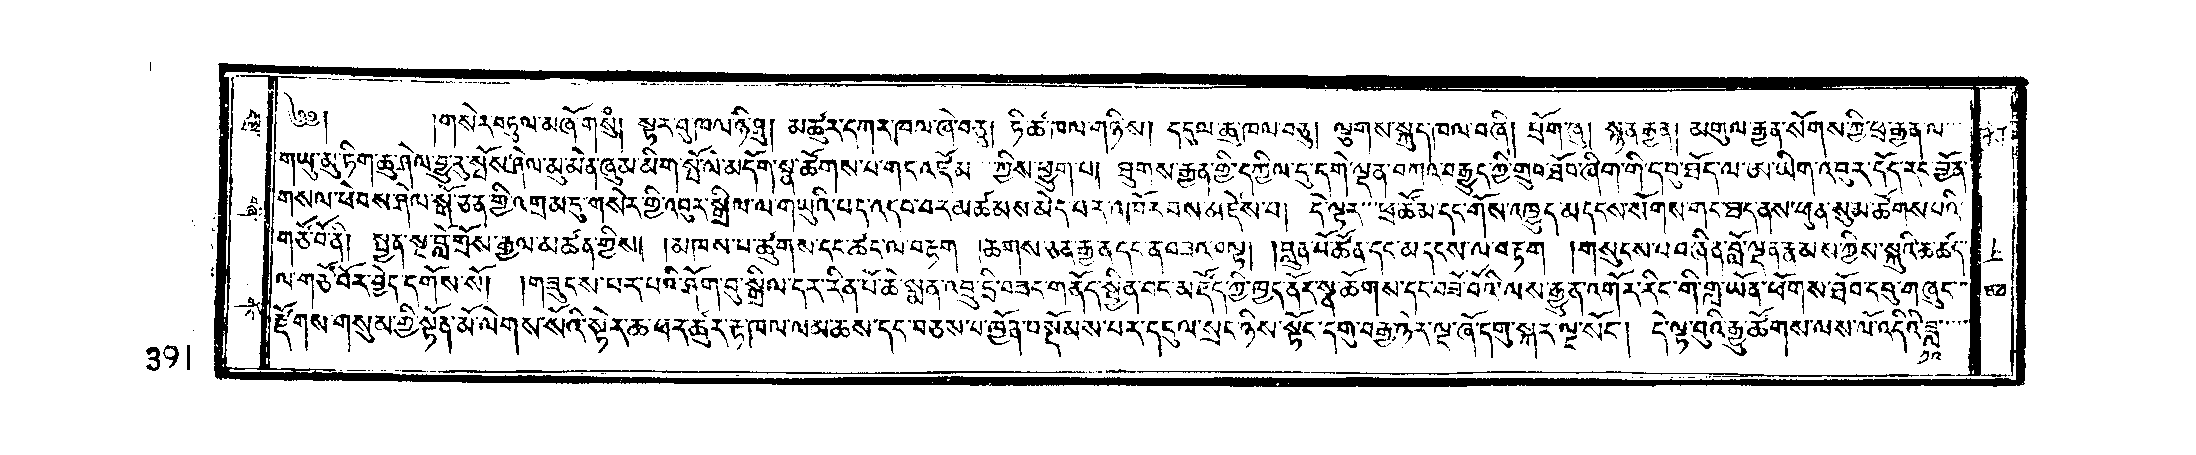༄༅། །གསེར་བཏུལ་མྮོ་གསུཾ། སྟར་བུ་ཁལ་ཉི་ཤུ། མཚུར་དཀར་ཁལ་ཞེ་བཅུ། ཏི་ཚ་ཁལ་གཉིས། དངུལ་ཆུ་ཁལ་བཅུ། ལྕགས་སྐུད་ཁལ་བཞི། པྲོག་ཞུ། སྙན་རྒྱན། མགུལ་རྒྱན་སོགས་ཀྱི་ཕྲ་རྒྱན་ལ་
གཡུ་མུ་ཏིག་ཆུ་ཤེལ་བྱུ་རུ་སྤོས་ཤེལ་མུ་མེན་ཞུམ་མིག་སྤོ་ལེ་མདོག་སྣ་ཚོགས་པ་གང་འཛོམ་ཀྱིས་ཕྱུག་པ། ཐུགས་རྒྱན་གྱི་དཀྱིལ་དུ་དགེ་ལྡན་བཀའ་བརྒྱུད་ཀྱི་གྲུབ་ཐོབ་ཞིག་གི་དབུ་ཐོད་ལ་ཨ་ཡིག་འབུར་དོད་རང་བྱོན་
གསལ་ཕེབས་ཤེལ་སྒོ་ཅན་གྱི་འགྲམ་དུ་གསེར་གྱི་འབུར་སྒྲིལ་ལ་གཡུའི་པད་འདབ་བར་མཚམས་མེད་པར་འཁོར་བས་མཛེས་པ། དེ་ལྟར་ཕྲ་ཚོམ་དང་གོས་འཁྱུད་མདངས་སོགས་གང་ཐད་ནས་ཕུན་སུམ་ཚོགས་པའི་
གཙོ་བོ་ནི། སྤྱན་སྔ་བློ་གྲོས་རྒྱལ་མཚན་གྱིས། །མཁས་པ་ཚུགས་དང་ཚང་ལ་བརྟག །ཆགས་ཅན་རྒྱན་དང་ན་བཟའ་བལྟ། །བླུན་པོ་ཚོན་དང་མདངས་ལ་བརྟག །གསུངས་པ་བཞིན་བློ་ལྡན་རྣམས་ཀྱིས་སྐུའི་ཆ་ཚད་
ལ་གཙོ་བོར་བྱེད་དགོས་སོ། །གཟུངས་པར་པའི་ཤོག་བུ་སྒྲིལ་དར་རིན་པོ་ཆེ་སྨན་འབྲུ་དྲི་བཟང་གནོད་སྦྱིན་བང་མཛོད་ཀྱི་ཁྱད་ནོར་སྣ་ཚོགས་དང་བཟོ་བོའི་ལས་རྒྱུན་འགོར་རིང་གི་གླ་ཡོན་ཕོགས་ཐོབ་དབུ་གཞུང་
རྫོགས་གསུམ་གྱི་སྟོན་མོ་ལེགས་སོའི་སྟེར་ཆ་ཕར་ཚུར་རྟ་ཁལ་ལམ་ཆས་དང་བཅས་པ་ཁྱོན་བསྡོམས་པར་དངུལ་སྲང་ཉིས་སྟོང་དགུ་བརྒྱ་ཉེར་ལྔ་ཞོ་དགུ་སྐར་ལྔ་སོང་། དེ་ལྟ་བུའི་རྒྱུ་ཚོགས་ལས་ལོ་འདིའི་ཟླ ༡༢